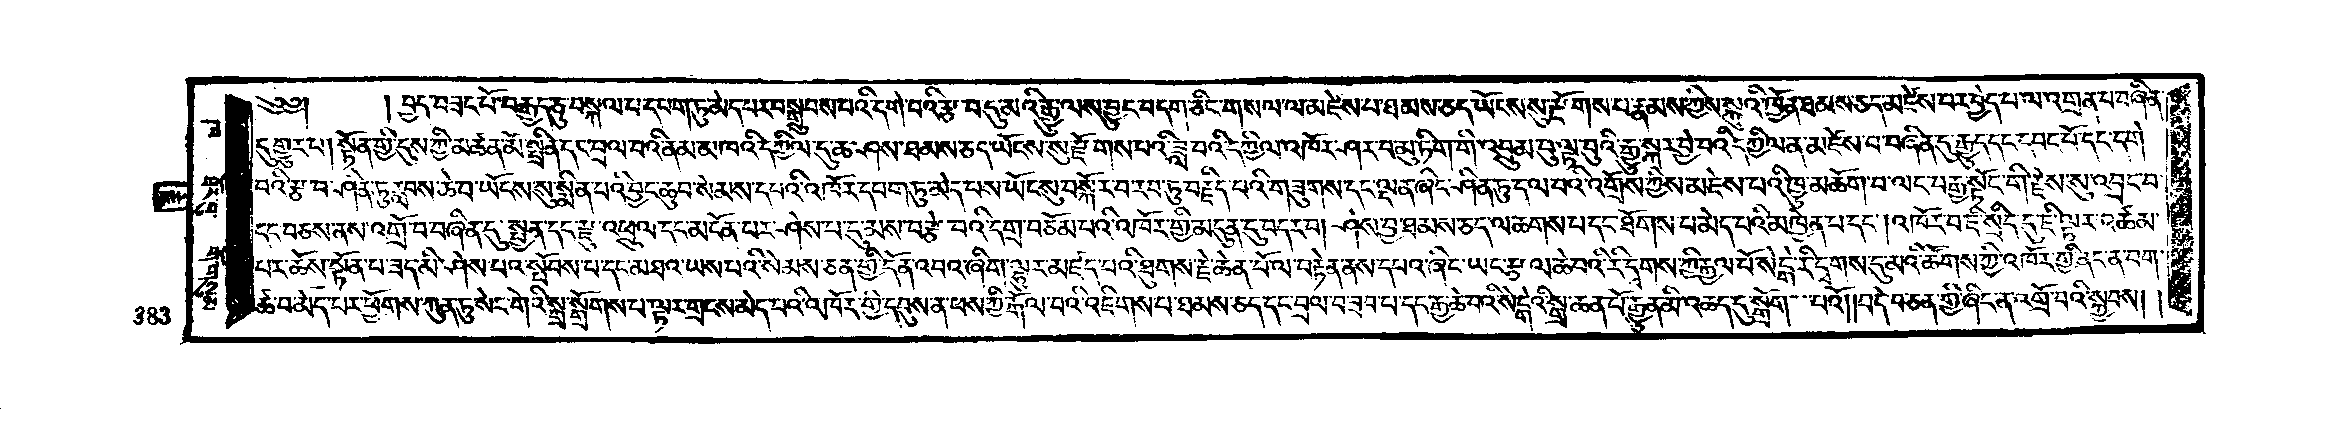༄༅། །བྱད་བཟང་པོ་བརྒྱད་ཅུ་བསྐལ་པ་དཔག་ཏུ་མེད་པར་བསྒྲུབས་པའི་དགེ་བའི་རྩ་བ་དུ་མའི་རྒྱུ་ལས་བྱུང་བ་དག་ཅིང་གསལ་ལ་མཛེས་པ་ཐམས་ཅད་ཡོངས་སུ་རྫོགས་པ་རྣམས་ཀྱིས་སྐུའི་ཁྱོན་ཐམས་ཅད་མཛེས་པར་བྱེད་པ་ལ་འགྲན་པ་བཞིན་
དུ་གྱུར་པ། སྟོན་གྱི་དུས་ཀྱི་མཚན་མོ་སྤྲིན་དང་བྲལ་བའི་ནམ་མཁའི་དཀྱིལ་དུ་ཆ་ཤས་ཐམས་ཅད་ཡོངས་སུ་རྫོགས་པའི་ཟླ་བའི་དཀྱིལ་འཁོར་ཤར་བ་མུ་ཏིག་གི་འབྲུམ་བུ་ལྟ་བུའི་རྒྱུ་སྐར་བྱེ་བའི་དཀྱིལ་ན་མཛེས་པ་བཞིན་དུ་རྒྱུད་དང་དབང་པོ་དང་དགེ་
བའི་རྩ་བ་ཤིན་ཏུ་རླབས་ཆེ་བ་ཡོངས་སུ་སྨིན་པའི་བྱང་ཆུབ་སེམས་དཔའི་འཁོར་དཔག་ཏུ་མེད་པས་ཡོངས་སུ་བསྐོར་བ་རབ་ཏུ་བརྗིད་པའི་གཟུགས་དང་ལྡན་ཞིང་ཤིན་ཏུ་དལ་བའི་འགྲོས་ཀྱིས་མཛེས་པའི་ཁྱུ་མཆོག་བ་ལང་བརྒྱ་སྟོང་གི་རྗེས་སུ་འབྲང་བ་
དང་བཅས་ནས་འགྲོ་བ་བཞིན་དུ་སྤྱན་དང་རྫུ་འཕྲུལ་དང་མངོན་པར་ཤེས་པ་དུ་མས་བརྩེ་བའི་དགྲ་བཅོམ་པའི་འཁོར་གྱི་མདུན་དུ་བདར་བ། ཤེས་བྱ་ཐམས་ཅད་ལ་ཆགས་པ་དང་ཐོགས་པ་མེད་པའི་མཁྱེན་པ་དང་། འཁོར་བ་ཇི་སྲིད་དུ་ཇི་ལྟར་འཚམ་
པར་ཆས་སྟོན་པ་ཟད་མི་ཤེས་པའི་སྤོབས་པ་དང་མཐའ་ཡས་པའི་སེམས་ཅན་གྱི་དོན་འབའ་ཞིག་ལྷུར་མཛད་པའི་ཐུགས་རྗེ་ཆེན་པོ་ལ་བརྟེན་ནས་དཔའ་ཞིང་ཡང་རྩལ་ཆེ་བའི་རི་དྭགས་ཀྱི་རྒྱལ་པོ་སེངྒེ་རི་དྭགས་དུ་མའི་ཚོགས་ཀྱི་འཁོར་གྱི་ནང་ན་བག་
ཚ་བ་མེད་པར་ཕྱོགས་ཀུན་ཏུ་སེང་གེའི་སྒྲ་སྒྲོགས་པ་ལྟར་གྲངས་མེད་པའི་འཁོར་གྱི་དབུས་ན་ཕས་ཀྱི་རྒོལ་བའི་འཇིགས་པ་ཐམས་ཅད་དང་བྲལ་བ་ཟབ་པ་དང་རྒྱ་ཆེ་བའི་སེངྒེའི་སྒྲ་ཆེན་པོ་རྒྱུན་མི་འཆད་དུ་སྒྲོག་པའོ། །བདེ་བ་ཅན་གྱི་ཞིང་ན་འགྲོ་བའི་སྐྱབས། །